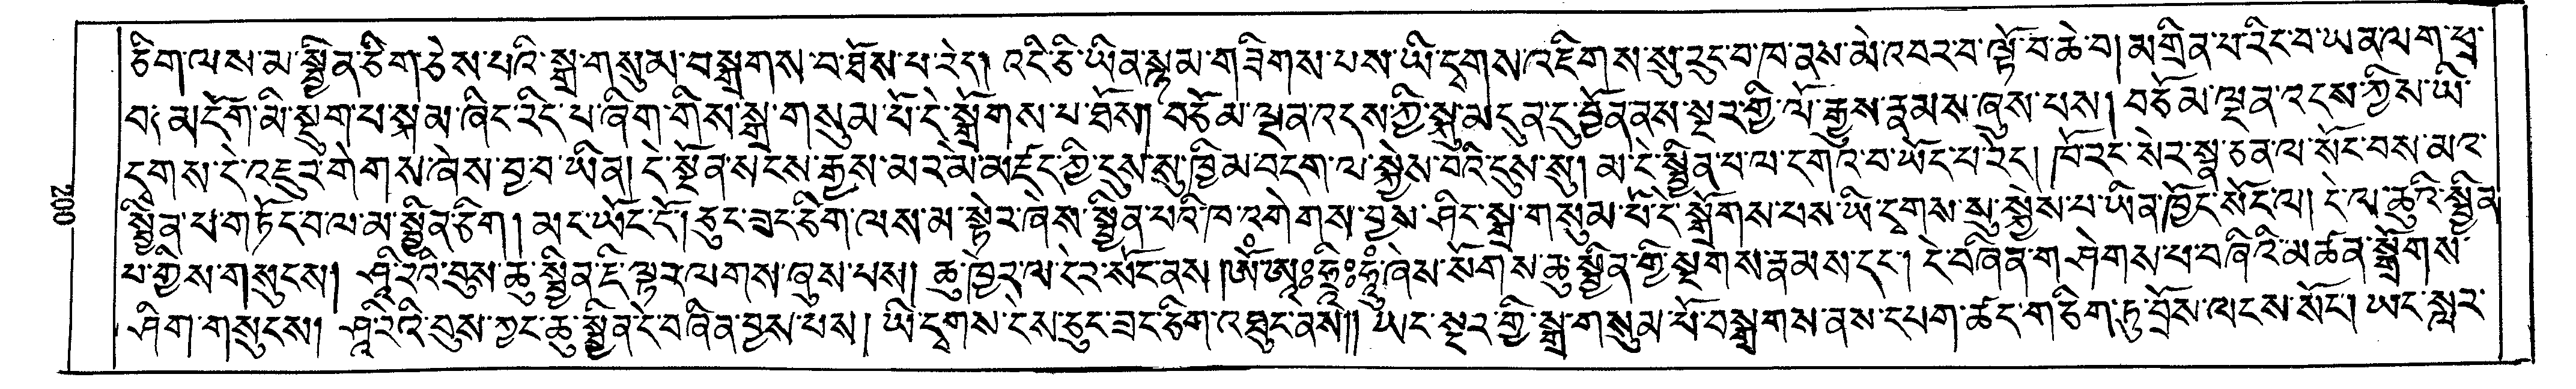ཅིག་ལས་མ་སྦྱིན་ཅིག་ཅེས་པའི་སྒྲ་གསུམ་བསྒྲགས་པ་ཐོས་པ་རེད། འདི་ཅི་ཡིན་སྙམ་གཟིགས་པས་ཡི་དྭགས་འཇིགས་སུ་རུང་བ་ཁ་ནས་མེ་འབར་བ་ལྟོ་བ་ཆེ་བ། མགྲིན་པ་རིང་བ་ཡན་ལག་ཕྲ་
བ༑ མངོག་མི་སྡུག་པ་སྐམ་ཞིང་རིད་པ་ཞིག་གིས་སྒྲ་གསུམ་པོ་དེ་སྒྲོགས་པ་ཐོས། བཅོམ་ལྡན་འདས་ཀྱི་སྐུ་མདུན་དུ་བྱོན་ནས་སྔར་གྱི་ལོ་རྒྱུས་རྣམས་ཞུས་པས། བཅོམ་ལྡན་འདས་ཀྱིས་ཡི་
དྭགས་དེ་འཇུར་གེགས་ཞེས་བྱ་བ་ཡིན། དེ་སྔོན་སངས་རྒྱས་མར་མེ་མཛད་ཀྱི་དུས་སུ་ཁྱིམ་བདག་ལ་སྐྱེས་བའི་དུས་སུ། མ་དེ་སྦྱིན་པ་ལ་དགའ་བ་ཡོད་པ་རེད། ཁོ་རང་སེར་སྣ་ཅན་ལ་སོང་བས་མའི་
སྦྱིན་པ་གཏོང་བ་ལ་མ་སྦྱིན་ཅིག །མང་ཡོང་ངོ། །ཅུང་ཟད་ཅིག་ལས་མ་སྟེར་ཞེས་སྦྱིན་པའི་ཁ་འགེགས་བྱས་ཤིང་སྒྲ་གསུམ་པོ་དེ་སྒྲོགས་པས་ཡི་དྭགས་སུ་སྐྱེས་པ་ཡིན་ཁྱོད་སོང་ལ། དེ་ལ་ཆུའི་སྦྱིན་
པ་གྱིས་གསུངས། ཤཱ་རིའི་བུས་ཆུ་སྦྱིན་ཇི་ལྟར་ལགས་ཞུས་པས། ཆུ་ཁྱེར་ལ་དེར་སོང་ནས། ཨོཾ་ཨཱཿཧྲཱིཿཧཱུཾ་ཞེས་སོགས་ཆུ་སྦྱིན་གྱི་སྔགས་རྣམས་དང་། དེ་བཞིན་གཤེགས་པ་བཞིའི་མཚན་སྒྲོགས་
ཤིག་གསུངས། ཤཱ་རིའི་བུས་ཀྱང་ཆུ་སྦྱིན་དེ་བཞིན་བྱས་པས། ཡི་དྭགས་དེས་ཅུང་ཟད་ཅིག་འཐུང་ནས། ཡང་སྔར་གྱི་སྒྲ་གསུམ་པོ་བསྒྲགས་ནས་དཔག་ཚད་གཅིག་ཏུ་བྲོས་ལངས་སོང་། ཡང་སླར་